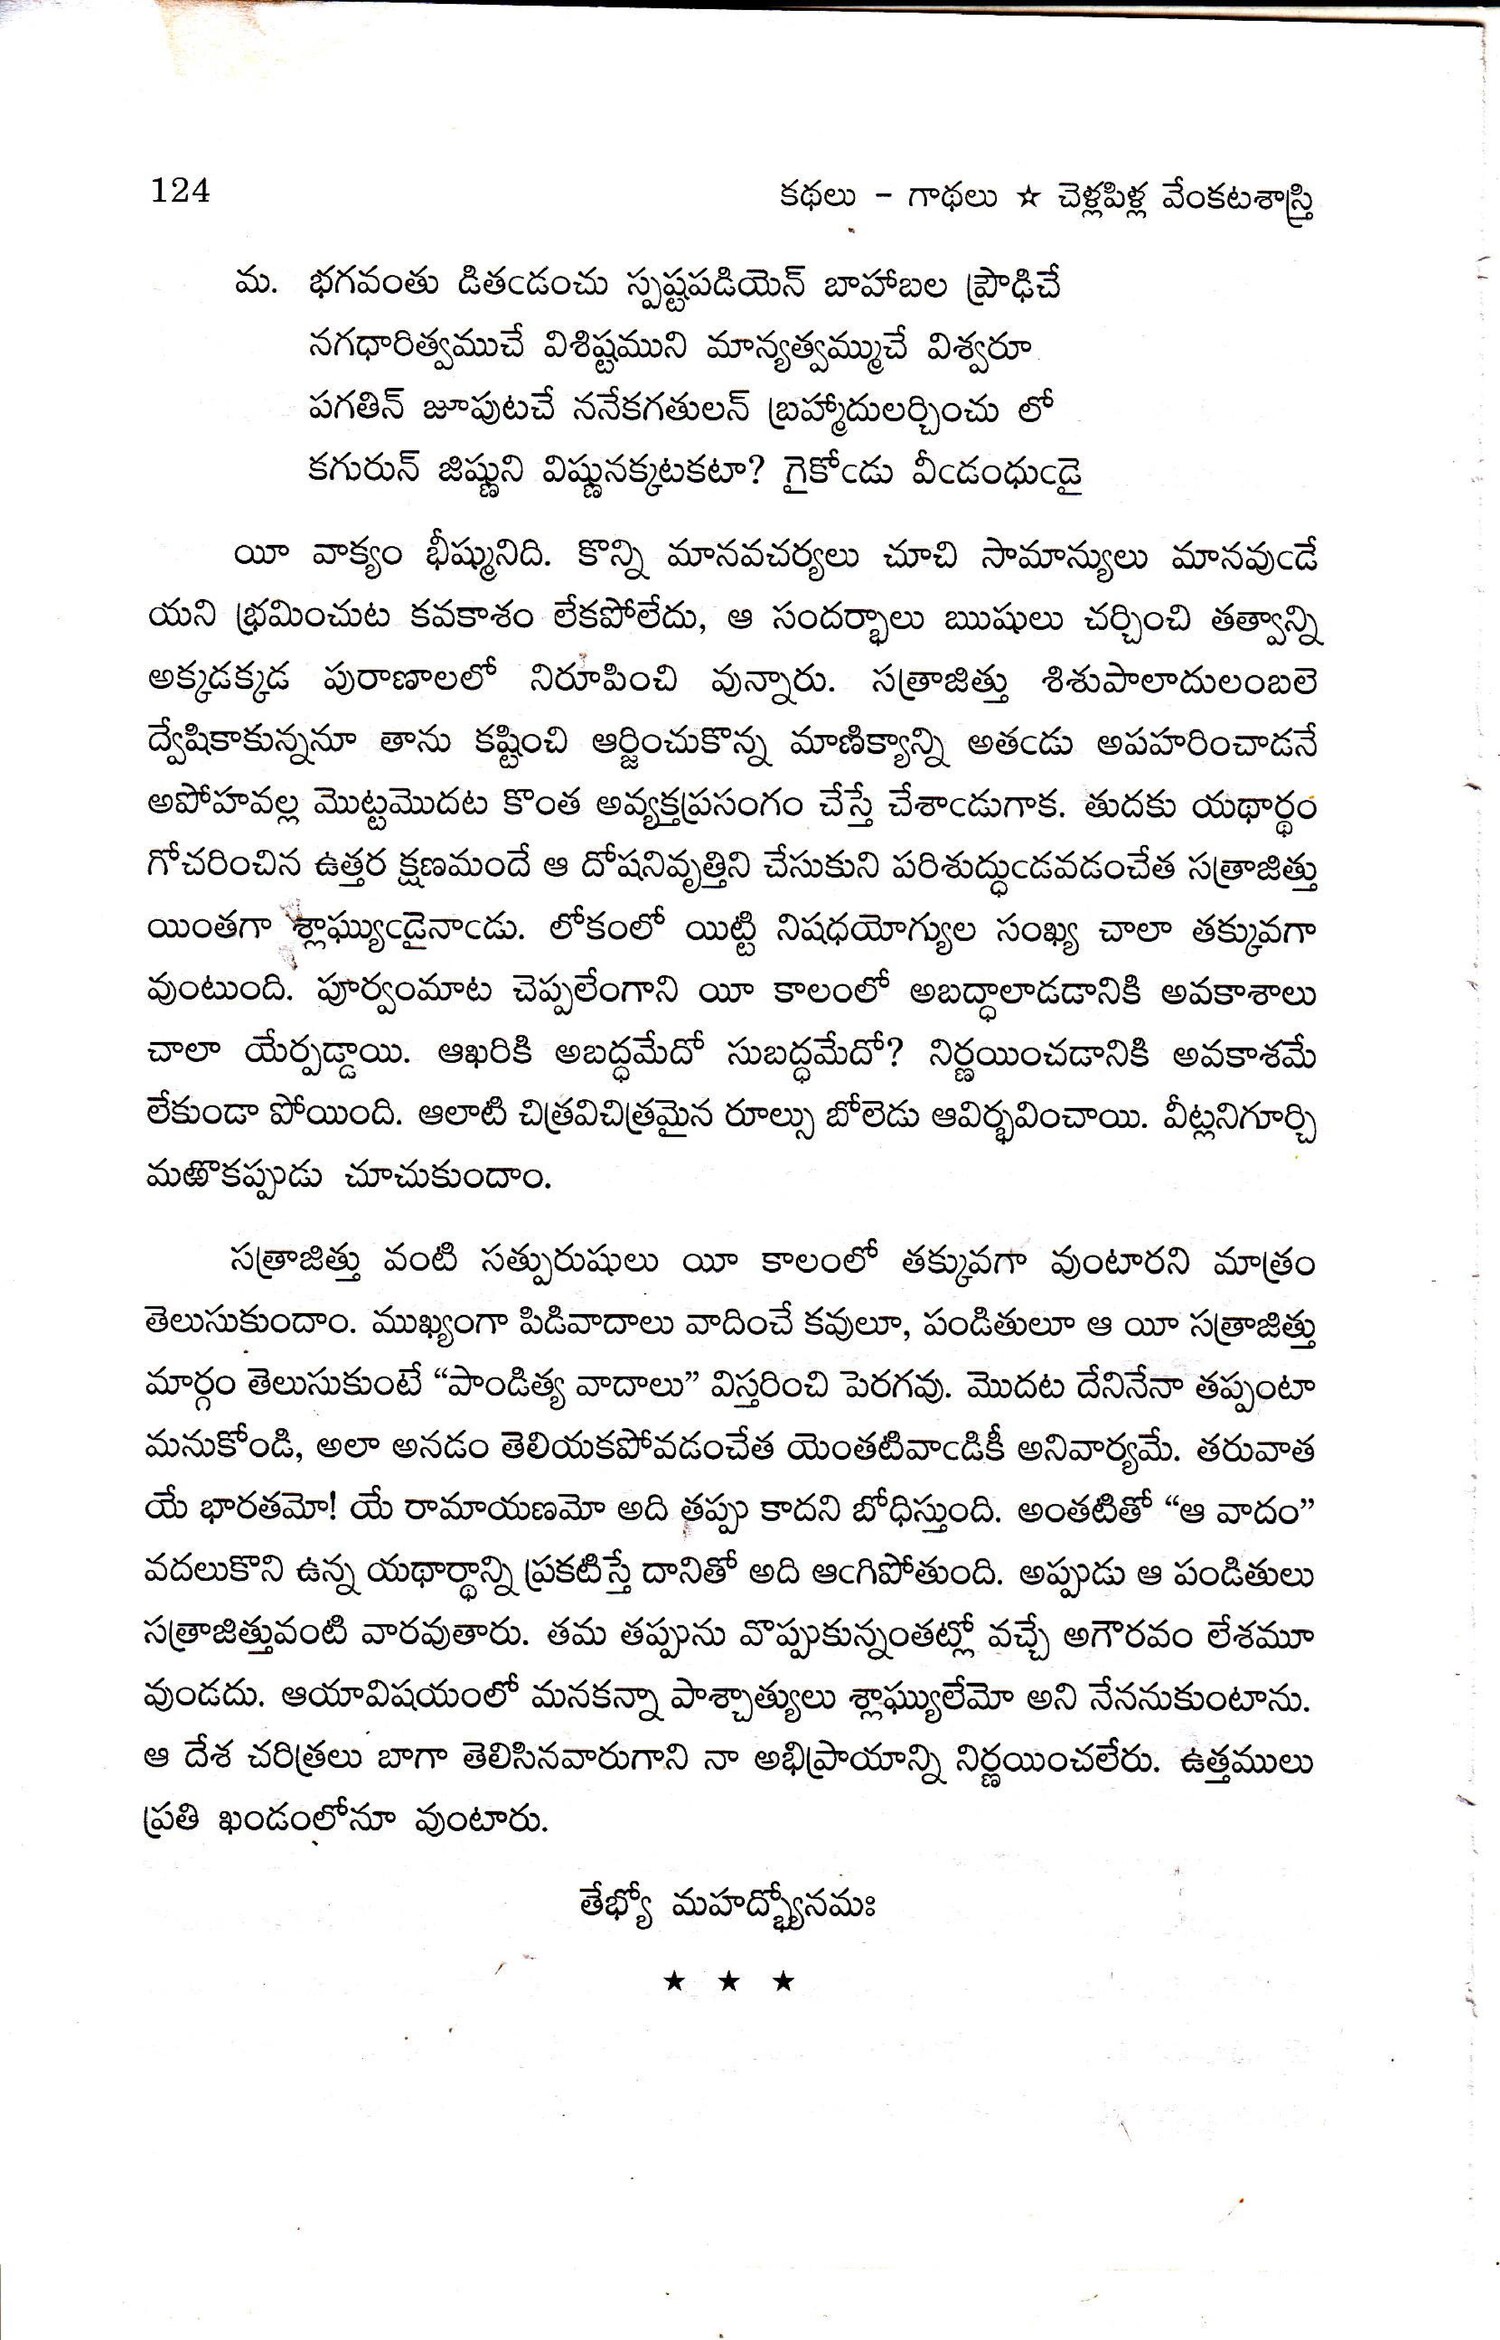మ. భగవంతు డితండంచు స్పష్టపడియెన్ బాహాబల ప్రొఢిచే
నగధారిత్వముచే విశిష్టముని మాన్యత్వమ్ముచే విశ్వరూ 
పగతిన్ జూపుటచే ననేకగతులన్ బ్రహ్మాదులర్చించు లో 
కగురున్ జిష్ణుని విష్ణునక్కటకటా? గైకోండు వీcడంధుండై
యీ వాక్యం భీష్మునిది. కొన్ని మానవచర్యలు చూచి సామాన్యులు మానవుండే యని భ్రమించుట కవకాశం లేకపోలేదు, ఆ సందర్భాలు ఋషులు చర్చించి తత్వాన్ని అక్కడక్కడ పురాణాలలో నిరూపించి వున్నారు. సత్రాజిత్తు శిశుపాలాదులంబలె ద్వేషికాకున్ననూ తాను కష్టించి ఆర్జించుకొన్న మాణిక్యాన్ని అతఁడు అపహరించాడనే అపోహవల్ల మొట్టమొదట కొంత అవ్యక్తప్రసంగం చేస్తే చేశాండుగాక. తుదకు యథార్థం గోచరించిన ఉత్తర క్షణమందే ఆ దోషనివృత్తిని చేసుకుని పరిశుద్దుండవడంచేత సత్రాజిత్తు యింతగా శ్లాఘ్యండైనాఁడు. లోకంలో యిట్టి నిషధయోగ్యుల సంఖ్య చాలా తక్కువగా వుంటుంది. పూర్వంమాట చెప్పలేంగాని యీ కాలంలో అబద్ధాలాడడానికి అవకాశాలు చాలా యేర్పడ్డాయి. ఆఖరికి అబద్ధమేదో సుబద్ధమేదో? నిర్ణయించడానికి అవకాశమే లేకుండా పోయింది. ఆలాటి చిత్రవిచిత్రమైన రూల్సు బోలెడు ఆవిర్భవించాయి. వీట్లనిగూర్చి మటౌకప్పడు చూచుకుందాం.

సత్రాజిత్తు వంటి సత్పురుషులు యీ కాలంలో తక్కువగా వుంటారని మాత్రం తెలుసుకుందాం. ముఖ్యంగా పిడివాదాలు వాదించే కవులూ, పండితులూ ఆ యీ సత్రాజిత్తు మార్గం తెలుసుకుంటే "పాండిత్య వాదాలు" విస్తరించి పెరగవు. మొదట దేనినేనా తప్పంటా మనుకోండి, అలా అనడం తెలియకపోవడంచేత యెంతటివాఁడికీ అనివార్యమే. తరువాత యే భారతమో! యే రామాయణమో అది తప్ప కాదని బోధిస్తుంది. అంతటితో “ఆ వాదం" వదలుకొని ఉన్న యథార్థాన్ని ప్రకటిస్తే దానితో అది ఆంగిపోతుంది. అప్పడు ఆ పండితులు సత్రాజిత్తువంటి వారవుతారు. తమ తప్పను వొప్పకున్నంతల్లో వచ్చే అగౌరవం లేశమూ వుండదు. ఆయావిషయంలో మనకన్నా పాశ్చాత్యులు శాఘ్యులేమో అని నేననుకుంటాను. ఆ దేశ చరిత్రలు బాగా తెలిసినవారుగాని నా అభిప్రాయాన్ని నిర్ణయించలేరు. ఉత్తములు ప్రతి ఖండంలోనూ వుంటారు.